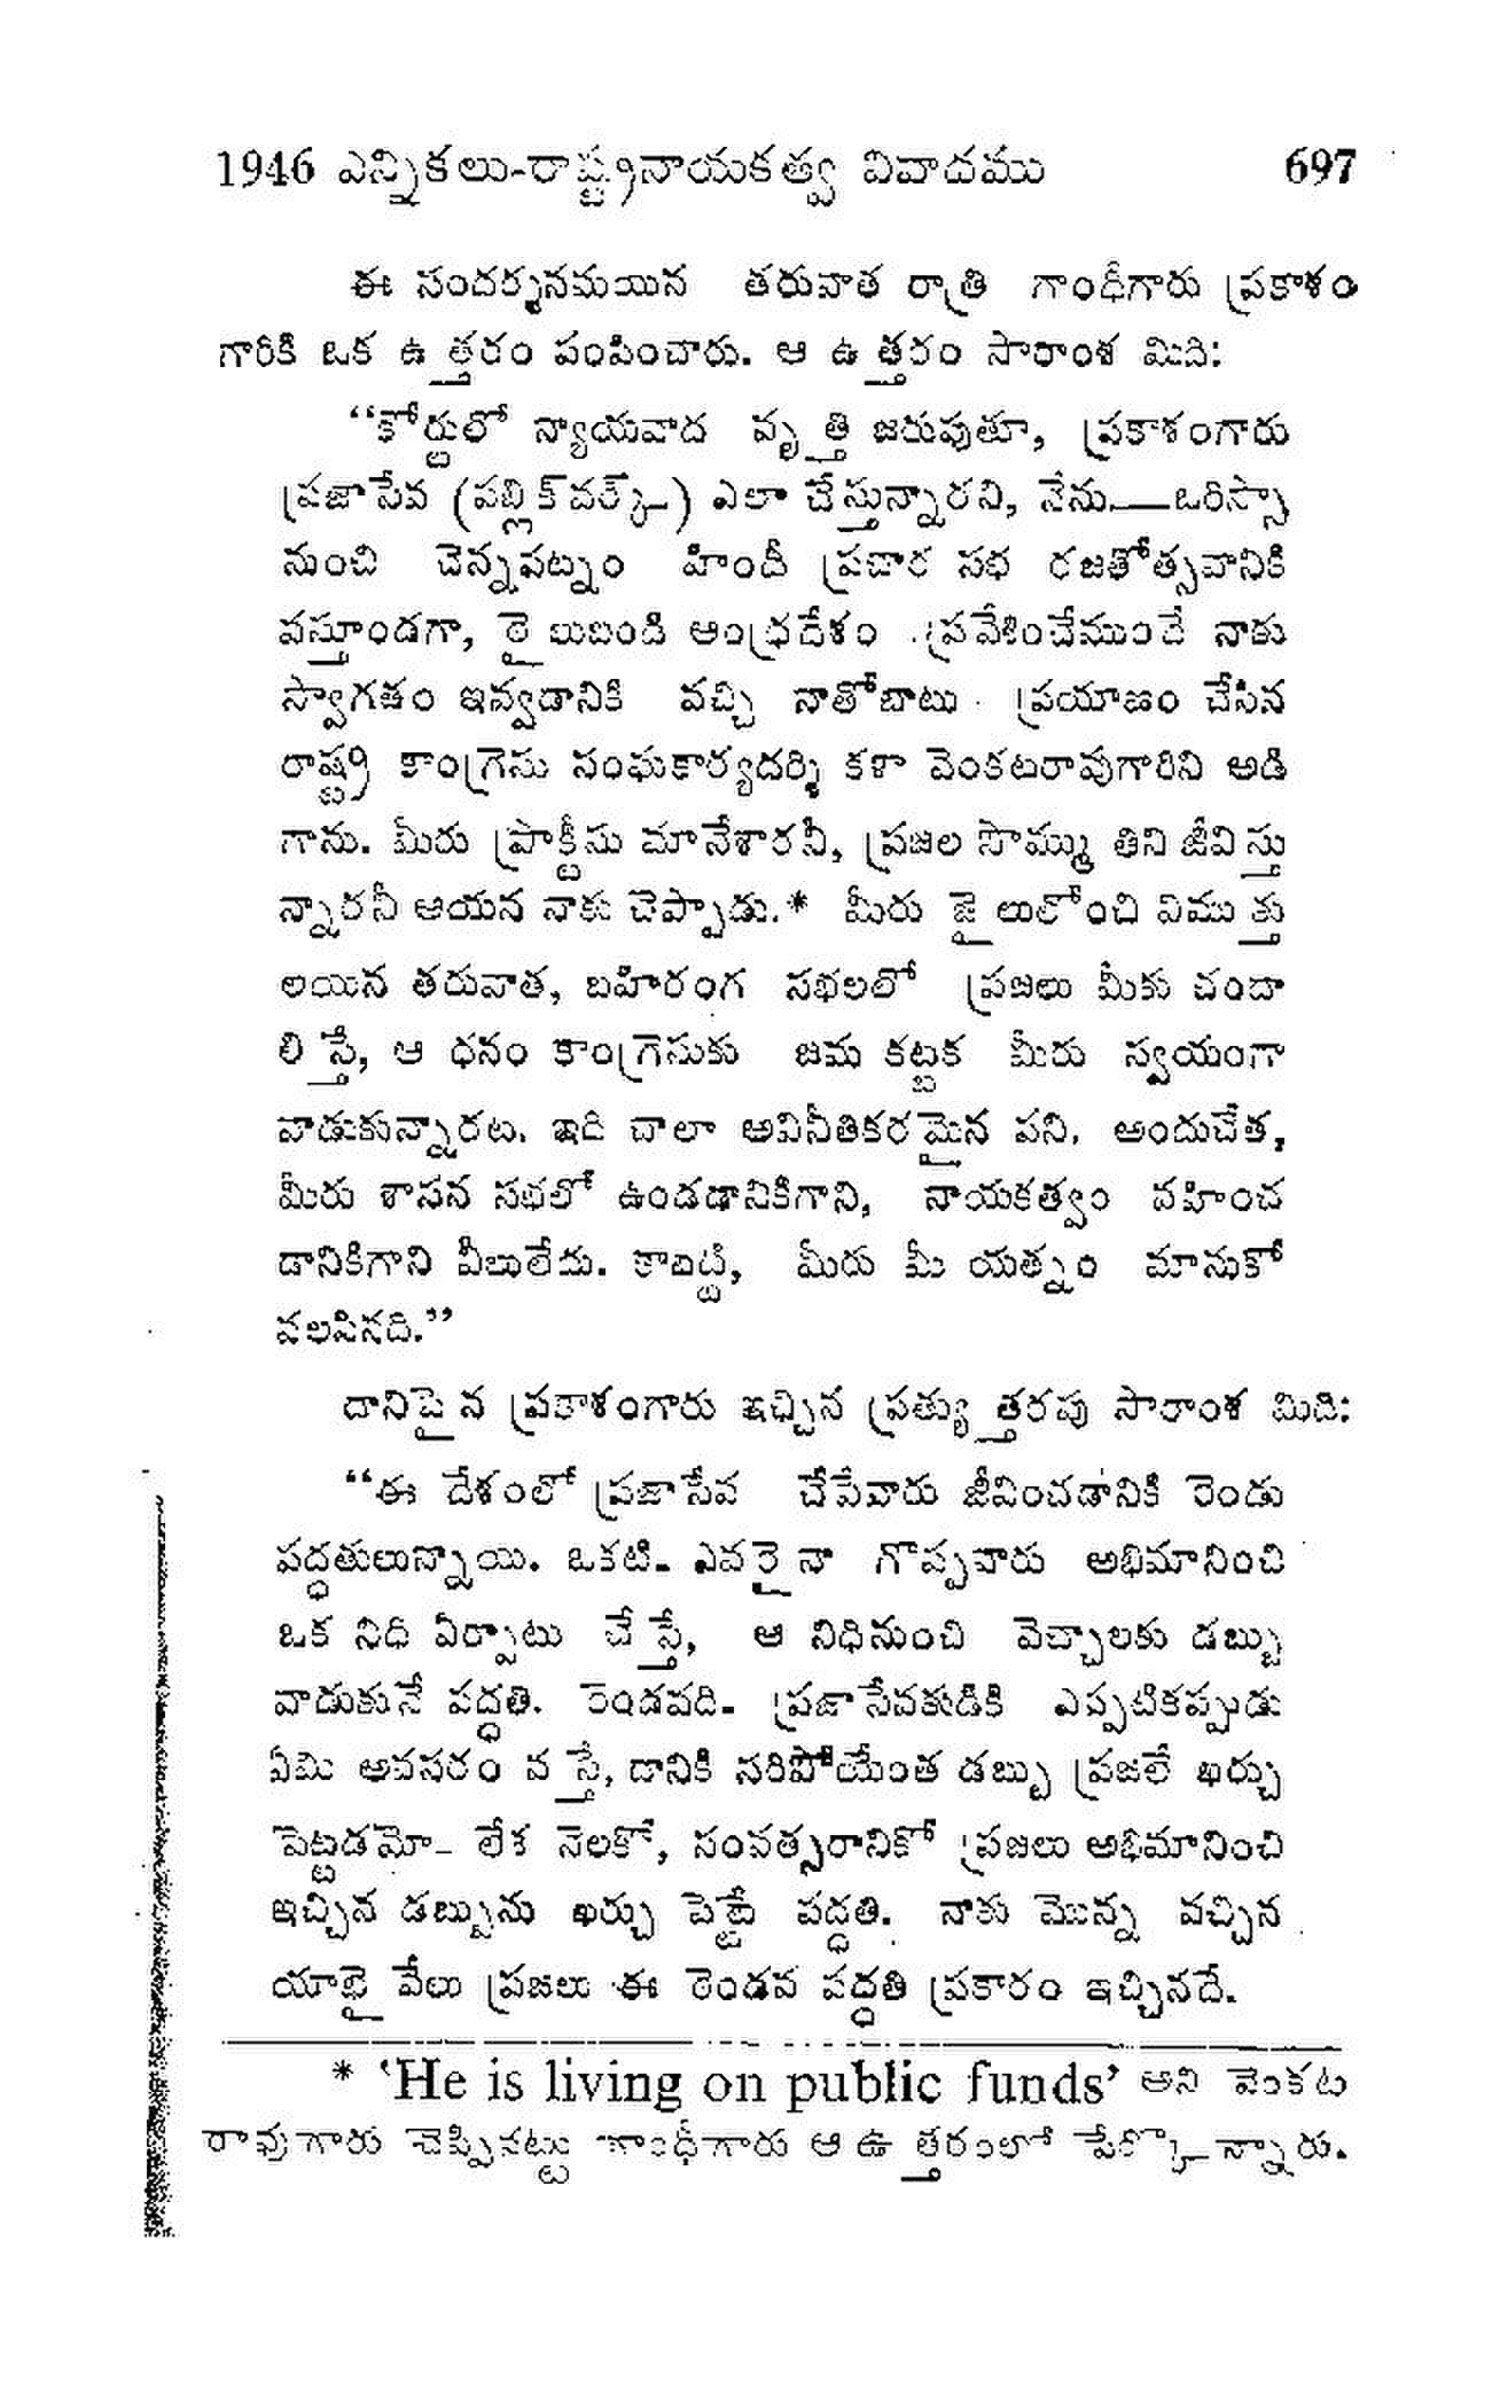ఈ సందర్శనమయిన తరువాత రాత్రి గాంధీగారు ప్రకాశంగారికి ఒక ఉత్తరం పంపించారు. ఆ ఉత్తరం సారాంశ మిది:

"కోర్టులో న్యాయవాద వృత్తి జరుపుతూ, ప్రకాశంగారు ప్రజాసేవ (పబ్లిక్‌వర్క్) ఎలా చేస్తున్నారని, నేను - ఒరిస్సా నుంచి చెన్నపట్నం హిందీ ప్రచార సభ రజతోత్సవానికి వస్తూండగా, రైలుబండి ఆంధ్రదేశం ప్రవేశించేముందే నాకు స్వాగతం ఇవ్వడానికి వచ్చి నాతోబాటు ప్రయాణం చేసిన రాష్ట్ర కాంగ్రెసు సంఘకార్యదర్శి కళా వెంకటరావుగారిని అడిగాను. మీరు ప్రాక్టీసు మానేశారనీ, ప్రజల సొమ్ము తిని జీవిస్తున్నారనీ ఆయన నాకు చెప్పాడు. మీరు జైలులోంచి విముక్తులయిన తరువాత, బహిరంగ సభలలో ప్రజలు మీకు చందాలిస్తే, ఆ ధనం కాంగ్రెసుకు జమ కట్టక మీరు స్వయంగా వాడుకున్నారట. ఇది చాలా అవినీతికరమైన పని, అందుచేత, మీరు శాసన సభలో ఉండడానికిగాని, నాయకత్వం వహించడానికిగాని వీలులేదు. కాబట్టి, మీరు మీ యత్నం మానుకోవలసినది."

దానిపైన ప్రకాశంగారు ఇచ్చిన ప్రత్యుత్తరపు సారాంశ మిది:

"ఈ దేశంలో ప్రజాసేవ చేసేవారు జీవించడానికి రెండు పద్దతులున్నాయి. ఒకటి - ఎవరైనా గొప్పవారు అభిమానించి ఒక నిధి ఏర్పాటు చేస్తే, ఆ నిధినుంచి వెచ్చాలకు డబ్బు వాడుకునే పద్ధతి. రెండవది - ప్రజాసేవకుడికి ఎప్పటికప్పుడు ఏమి అవసరం వస్తే, దానికి సరిపోయేంత డబ్బు ప్రజలే ఖర్చు పెట్టడమో - లేక నెలకో, సంవత్సరానికో ప్రజలు అభిమానించి ఇచ్చిన డబ్బును ఖర్చు పెట్టే పద్ధతి. నాకు మొన్న వచ్చిన యాభై వేలు ప్రజలు ఈ రెండవ పద్ధతి ప్రకారం ఇచ్చినదే.